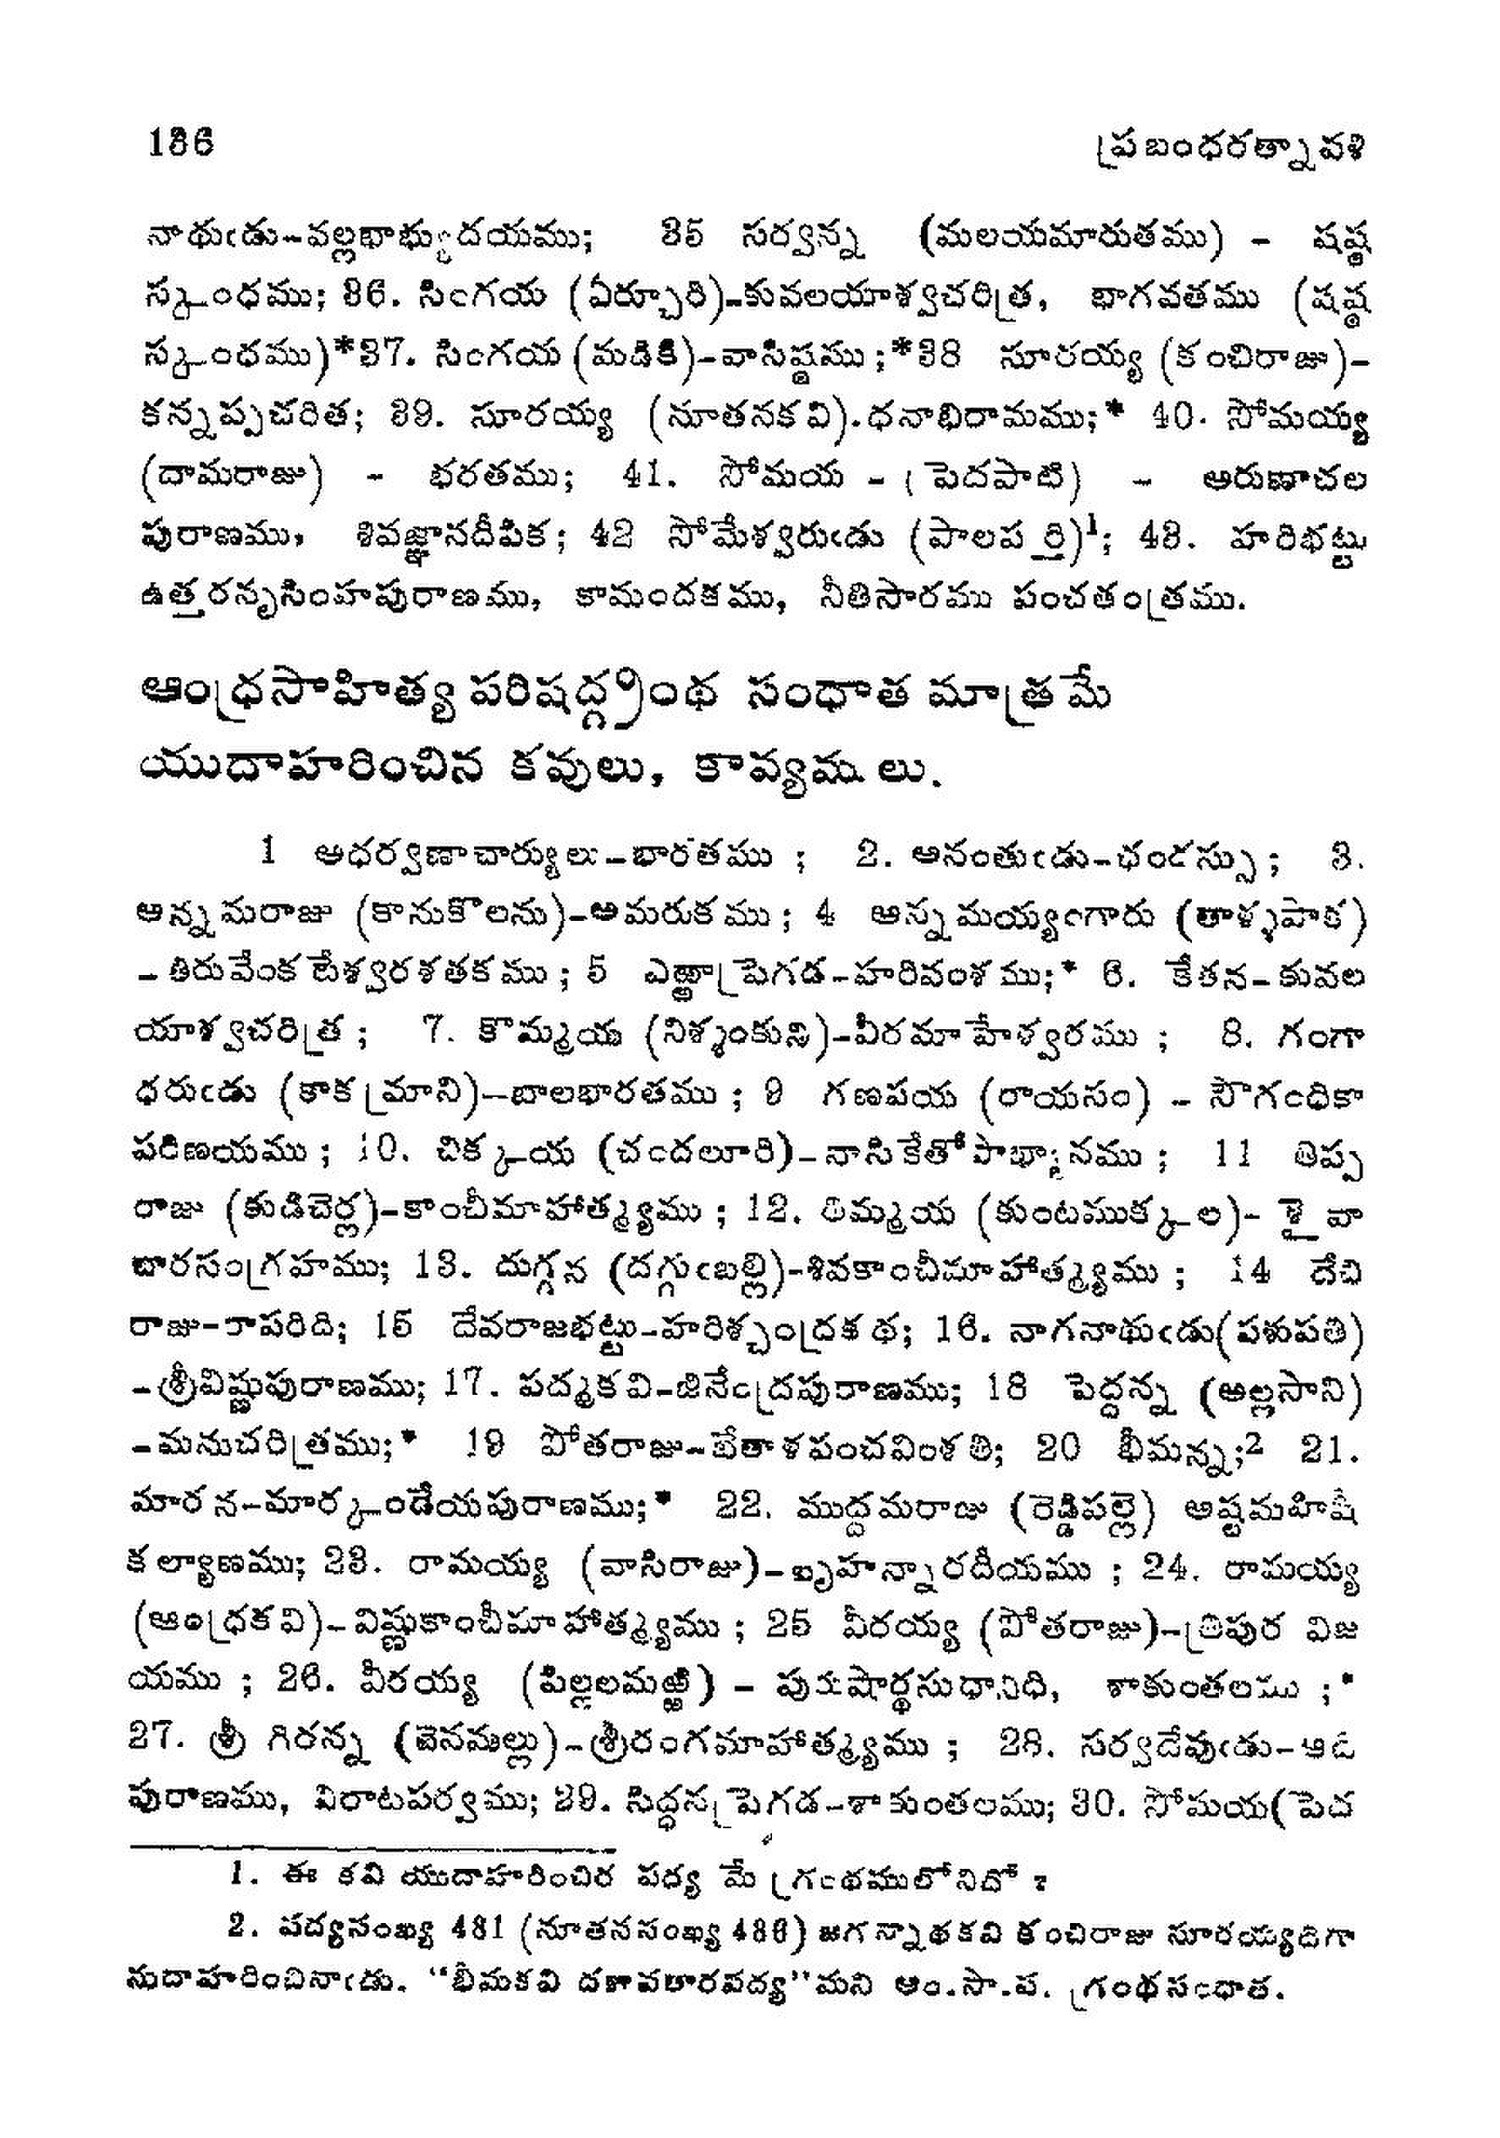నాథుఁడు - వల్లభాభ్యుదయము; 35 సర్వన్న (మలయమారుతము) - షష్ట స్కంధము; 36. సింగయ (ఏర్చూరి) - కువలయాశ్వచరిత్ర, భాగవతము (షష్ట స్కంధము)* 37. సింగయ (మడికి) - వాసిష్టము;* 38 సూరయ్య (కంచిరాజు)కన్నప్పచరిత; 88. సూరయ్య (నూతనకవి). ధనాభిరామము; * 40. సోమయ్య (దామరాజు) - భరతము; 41. సోమయ - (పెదపాటి) - అరుణాచల పురాణము, శివజ్ఞానదీపిక ; 42 సోమేశ్వరుఁడు (పాలపర్తి) ; 48. హరిభట్టు ఉత్తరనృసింహపురాణము, కామందకము, నీతిసారము పంచతంత్రము. 

1 అధర్వణాచార్యులు - భారతము ; 2. అనంతుఁడు ఛందస్సు; 8. అన్నమరాజు (కానుకొలను)-అమరుకము ; 4 అన్నమయ్యంగారు (తాళ్ళపాక) - తిరువేంక టేశ్వరశతకము ; 5 ఎజ్జాప్రెగడ - హరివంశము; * 8. కేతన- కువల యాళ చరిత్ర; 7. కొమ్మయ (నిశ్శంకుని)-వీరమా హేశ్వరము ; 8. గంగా ధరుఁడు (కాక మ్రాని)- బాలభారతము ; ఆ గణపయ (రాయసం) - సౌగంధికా పరిణయము ; 10. చిక్కయ (చందలూరి)- నాసికేతోపాఖ్యానము ; 11 అప్ప రాజు (కుడిచెర్ల)- కాంచీ మాహాత్మ్యము ; 12. అమ్మయ (కుంటముక్కల)- శైవా బారసంగ్రహము; 18. దుగ్గన (దగ్గుఁబల్లి)-శివకాంచీ మాహాత్మ్యము ; 14 దేచి రాజు-పరిది; 16 దేవరాజభట్టు-హరిశ్చంద్రకథ; 18. నాగనాథుఁడు(పశుపతి) - శ్రీవిష్ణుపురాణము; 17. పద్మకవి-జినేంద్రపురాణము; 18 పెద్దన్న (అల్లసాని) -మనుచరిత్రము; • 18 పోతరాజు-బేతాళ పంచవింశతి; 20 భీమన్న;2 21. మారన-మార్కండేయపురాణము; - 22. ముద్దమరాజు (రెడ్డిపల్లె) అష్టమహిషి కల్యాణము; 28. రామయ్య (వాసిరాజు)-బృహన్నారదీయము ; 24. రామయ్య (ఆంధ్రకవి) - విష్ణుకాంచీ మాహాత్మ్యము ; 25 వీరయ్య (పోతరాజు)-త్రిపుర విజ యము ; 28. వీరయ్య (పిల్లలమట్టి) - పురుషార్ధసుధానిధి, శాకుంతలము ; " 27. శ్రీ గిరన్న (బెనమల్లు) - శ్రీరంగమాహాత్మ్య ము ; 28. సర్వదేవుఁడు- ఆడి పురాణము, విరాటపర్వము; 29. సిద్ధన, పెగడ - శాకుంతలము; 80. సోషయ(పేద

1. ఈ కవి యుదాహరించిర పద్య మే గ్రంథములోనిదో ?
2. పద్యసంఖ్య 481 (నూతనసంఖ్య 488) జగన్నాథకవి కంచిరాజు సూరయ్యడిగా నుదాహరించినాఁడు, “భీమకవి దశావతారపద్య"మని ఆం.సా.ప. గంథ సంధాత,